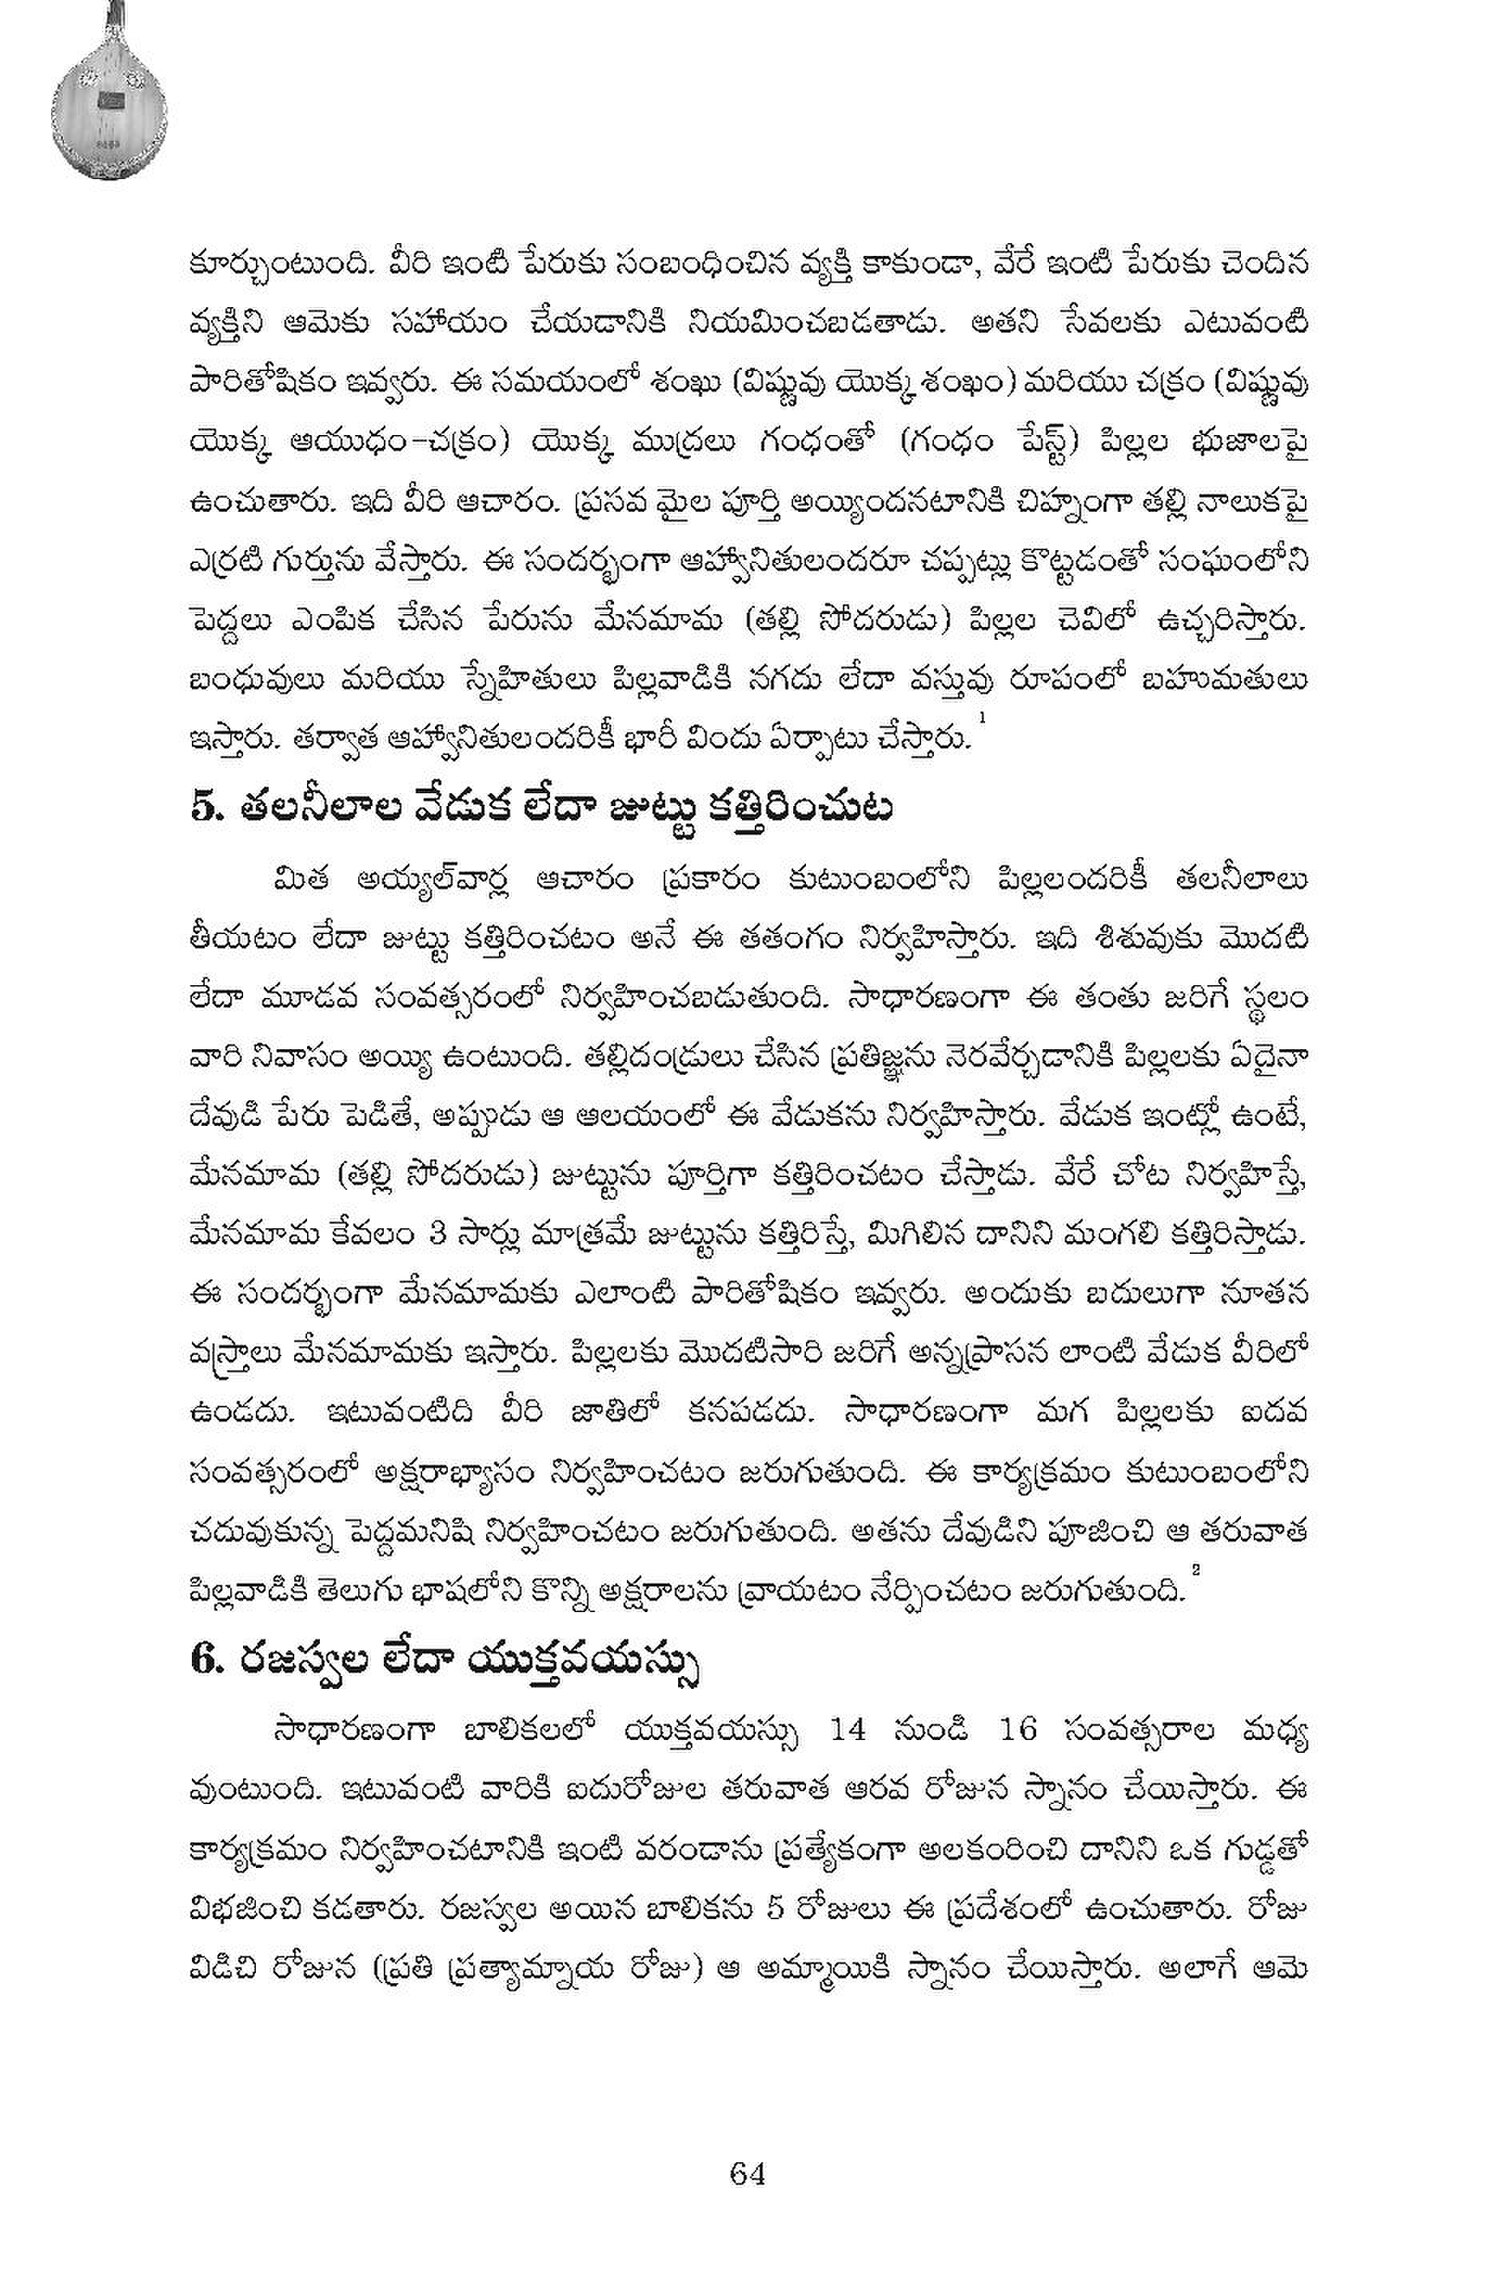కూర్చుంటుంది. వీరి ఇంటి పేరుకు సంబంధించిన వ్యక్తి కాకుండా, వేరే ఇంటి పేరుకు చెందిన వ్యక్తిని ఆమెకు సహాయం చేయడానికి నియమించబడతాడు. అతని సేవలకు ఎటువంటి పారితోషికం ఇవ్వరు. ఈ సమయంలో శంఖు (విష్ణువు యొక్క శంఖం) మరియు చక్రం (విష్ణువు యొక్క ఆయుధం-చక్రం) యొక్క ముద్రలు గంధంతో (గంధం పేస్ట్) పిల్లల భుజాలపై ఉంచుతారు. ఇది వీరి ఆచారం. ప్రసవ మైల పూర్తి అయ్యిందనటానికి చిహ్నంగా తల్లి నాలుకపై ఎర్రటి గుర్తును వేస్తారు. ఈ సందర్భంగా ఆహ్వానితులందరూ చప్పట్లు కొట్టడంతో సంఘంలోని పెద్దలు ఎంపిక చేసిన పేరును మేనమామ (తల్లి సోదరుడు) పిల్లల చెవిలో ఉచ్చరిస్తారు. బంధువులు మరియు స్నేహితులు పిల్లవాడికి నగదు లేదా వస్తువు రూపంలో బహుమతులు ఇస్తారు. తర్వాత ఆహ్వానితులందరికీ భారీ విందు ఏర్పాటు చేస్తారు.1

5. తలనీలాల వేడుక లేదా జుట్టు కత్తిరించుట 

మిత అయ్యల్వార్ల ఆచారం ప్రకారం కుటుంబంలోని పిల్లలందరికీ తలనీలాలు తీయటం లేదా జుట్టు కత్తిరించటం అనే ఈ తతంగం నిర్వహిస్తారు. ఇది శిశువుకు మొదటి లేదా మూడవ సంవత్సరంలో నిర్వహించబడుతుంది. సాధారణంగా ఈ తంతు జరిగే స్థలం వారి నివాసం అయ్యి ఉంటుంది. తల్లిదండ్రులు చేసిన ప్రతిజ్ఞను నెరవేర్చడానికి పిల్లలకు ఏదైనా
దేవుడి పేరు పెడితే, అప్పుడు ఆ ఆలయంలో ఈ వేడుకను నిర్వహిస్తారు. వేడుక ఇంట్లో ఉంటే, మేనమామ (తల్లి సోదరుడు) జుట్టును పూర్తిగా కత్తిరించటం చేస్తాడు. వేరే చోట నిర్వహిస్తే, మేనమామ కేవలం 3 సార్లు మాత్రమే జుట్టును కత్తిరిస్తే, మిగిలిన దానిని మంగలి కత్తిరిస్తాడు. ఈ సందర్భంగా మేనమామకు ఎలాంటి పారితోషికం ఇవ్వరు. అందుకు బదులుగా నూతన వస్త్రాలు మేనమామకు ఇస్తారు. పిల్లలకు మొదటిసారి జరిగే అన్నప్రాసన లాంటి వేడుక వీరిలో
ఉండదు. ఇటువంటిది వీరి జాతిలో కనపడదు. సాధారణంగా మగ పిల్లలకు ఐదవ సంవత్సరంలో అక్షరాభ్యాసం నిర్వహించటం జరుగుతుంది. ఈ కార్యక్రమం కుటుంబంలోని చదువుకున్న పెద్దమనిషి నిర్వహించటం జరుగుతుంది. అతను దేవుడిని పూజించి ఆ తరువాత పిల్లవాడికి తెలుగు భాషలోని కొన్ని అక్షరాలను వ్రాయటం నేర్పించటం జరుగుతుంది.2

6. రజస్వల లేదా యుక్తవయస్సు 

సాధారణంగా బాలికలలో యుక్తవయస్సు 14 నుండి 16 సంవత్సరాల మధ్య వుంటుంది. ఇటువంటి వారికి ఐదురోజుల తరువాత ఆరవ రోజున స్నానం చేయిస్తారు. ఈ కార్యక్రమం నిర్వహించటానికి ఇంటి వరండాను ప్రత్యేకంగా అలకరించి దానిని ఒక గుడ్డతో విభజించి కడతారు. రజస్వల అయిన బాలికను 5 రోజులు ఈ ప్రదేశంలో ఉంచుతారు. రోజు విడిచి రోజున (ప్రతి ప్రత్యామ్నాయ రోజు) ఆ అమ్మాయికి స్నానం చేయిస్తారు. అలాగే ఆమె